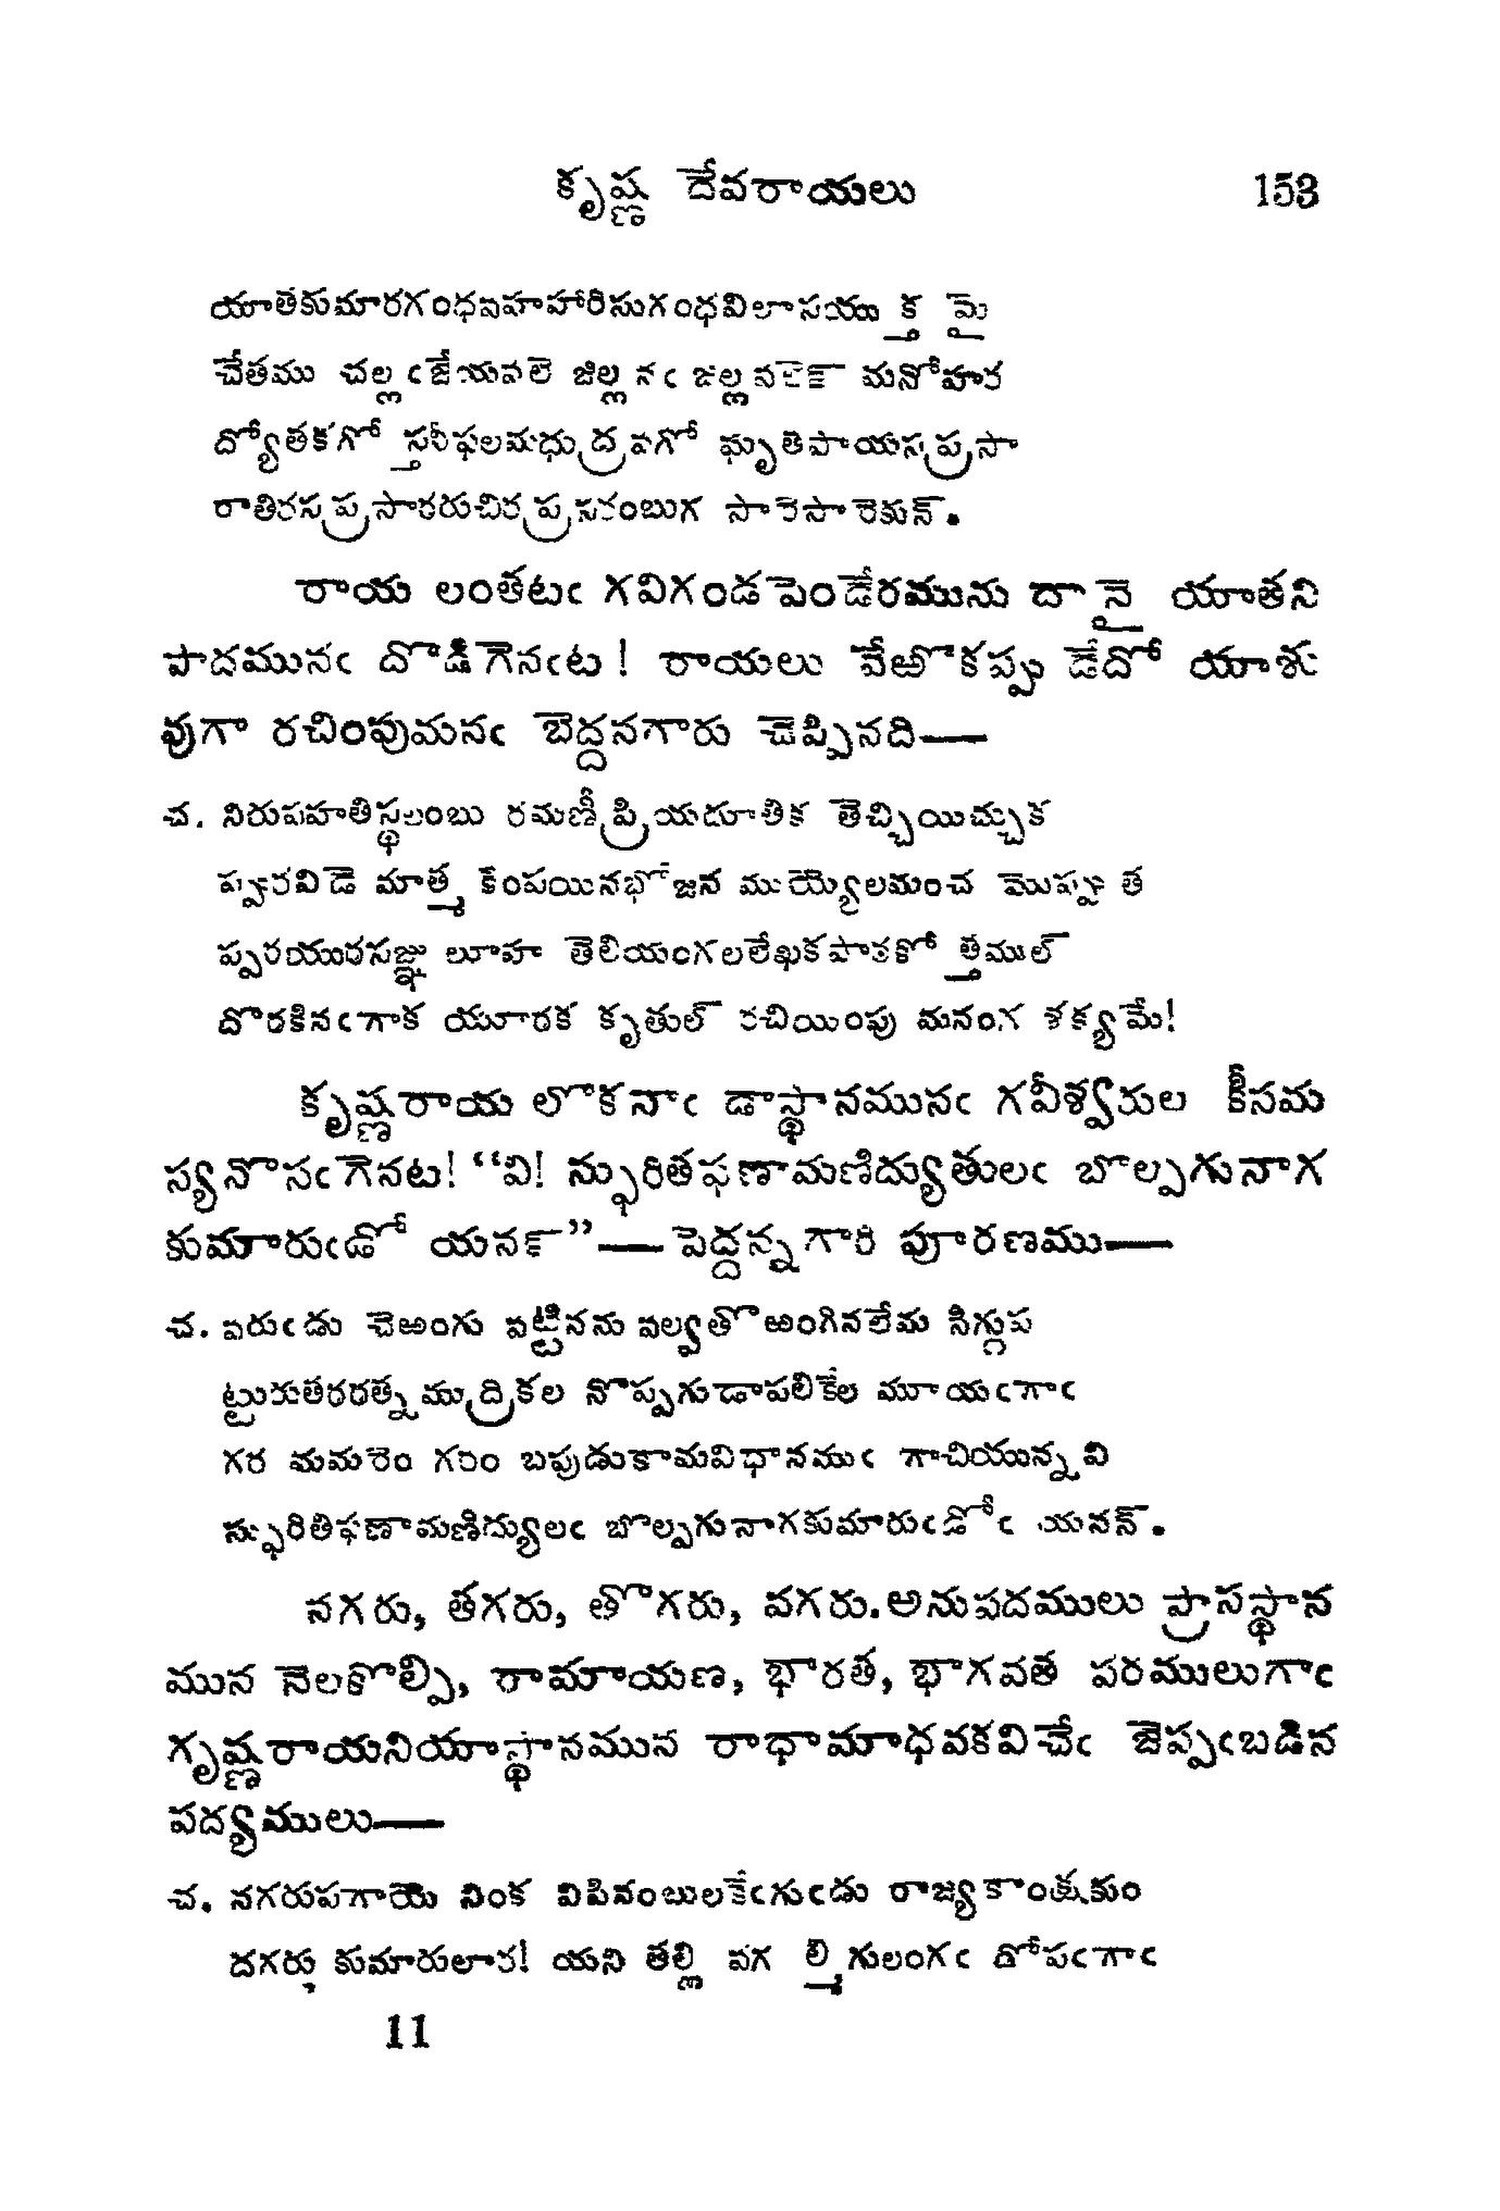యాతకుమారగంధవహహారిసుగంధవిలాసయుక్తమై
 చేతము చల్లఁజేయవలె జిల్లనఁ జల్లవలెన్ మనోహర
 ద్యోతకగోస్తనీఫలమధుద్రవగోఘృతపాయసప్రసా
 రాతిరసప్రసారరుచిరప్రసరంబుగ సారెసారెకున్.
రాయ లంతటఁ గవిగండపెండేరమును దానై యాతనిపాదమునఁ దొడిగెనఁట! రాయలు వేఱొకప్పు డేదో యాశువుగా రచింపుమనఁ బెద్దనగారు చెప్పినది—
చ. నిరుపహతిస్థలంబు రమణీప్రియదూతిక తెచ్చియిచ్చుక
 ప్పురవిడె మాత్మ కింపయినభోజన ముయ్యెలమంచ మొప్పు త
 ప్పరయురసజ్ఞు లూహ తెలియంగలలేఖకపాఠకోత్తముల్
 దొరకినఁగాక యూరక కృతుల్ రచియింపు మనంగ శక్యమే!
కృష్ణరాయ లొకనాఁ డాస్థానమునఁ గవీశ్వరుల కీసమస్య నొసఁగెనఁట! “విస్ఫురితఫణామణిద్యుతులఁ బొల్పగు నాగకుమారుఁడో యనన్”—పెద్దనగారి పూరణము—
చ. వరుఁడు చెఱంగు వట్టినను వల్వ తొఱంగిన లేదు సిగ్గుప
 ట్లురుతరరత్నముద్రికల నొప్పగు డాకలికేల మాయఁగాఁ
 గర మమరెం గరం బపుడు కామనిధానముఁ గాచియున్న వి
 స్ఫురితఫణామణిద్యుతులఁ బొల్పగు నాగకుమారుఁడో యనన్.
నగరు, తగరు, తొగరు, వగరు అనుపదములు ప్రాసస్థానమున నెలకొల్పి రామాయణ, భారత, భాగవతపరములుగాఁ గృష్ణరాయనియాస్థానమున రాధామాధవకవిచేఁ జెప్పఁబడిన పద్యములు—
చ. నగరు పగాయె నింక విపినంబులకేఁగుఁడు రాజ్యకాంక్షకుం
 దగరు కుమారులార! యని తల్లి వగ ల్మిగులంగఁ దోఁపఁగాఁ